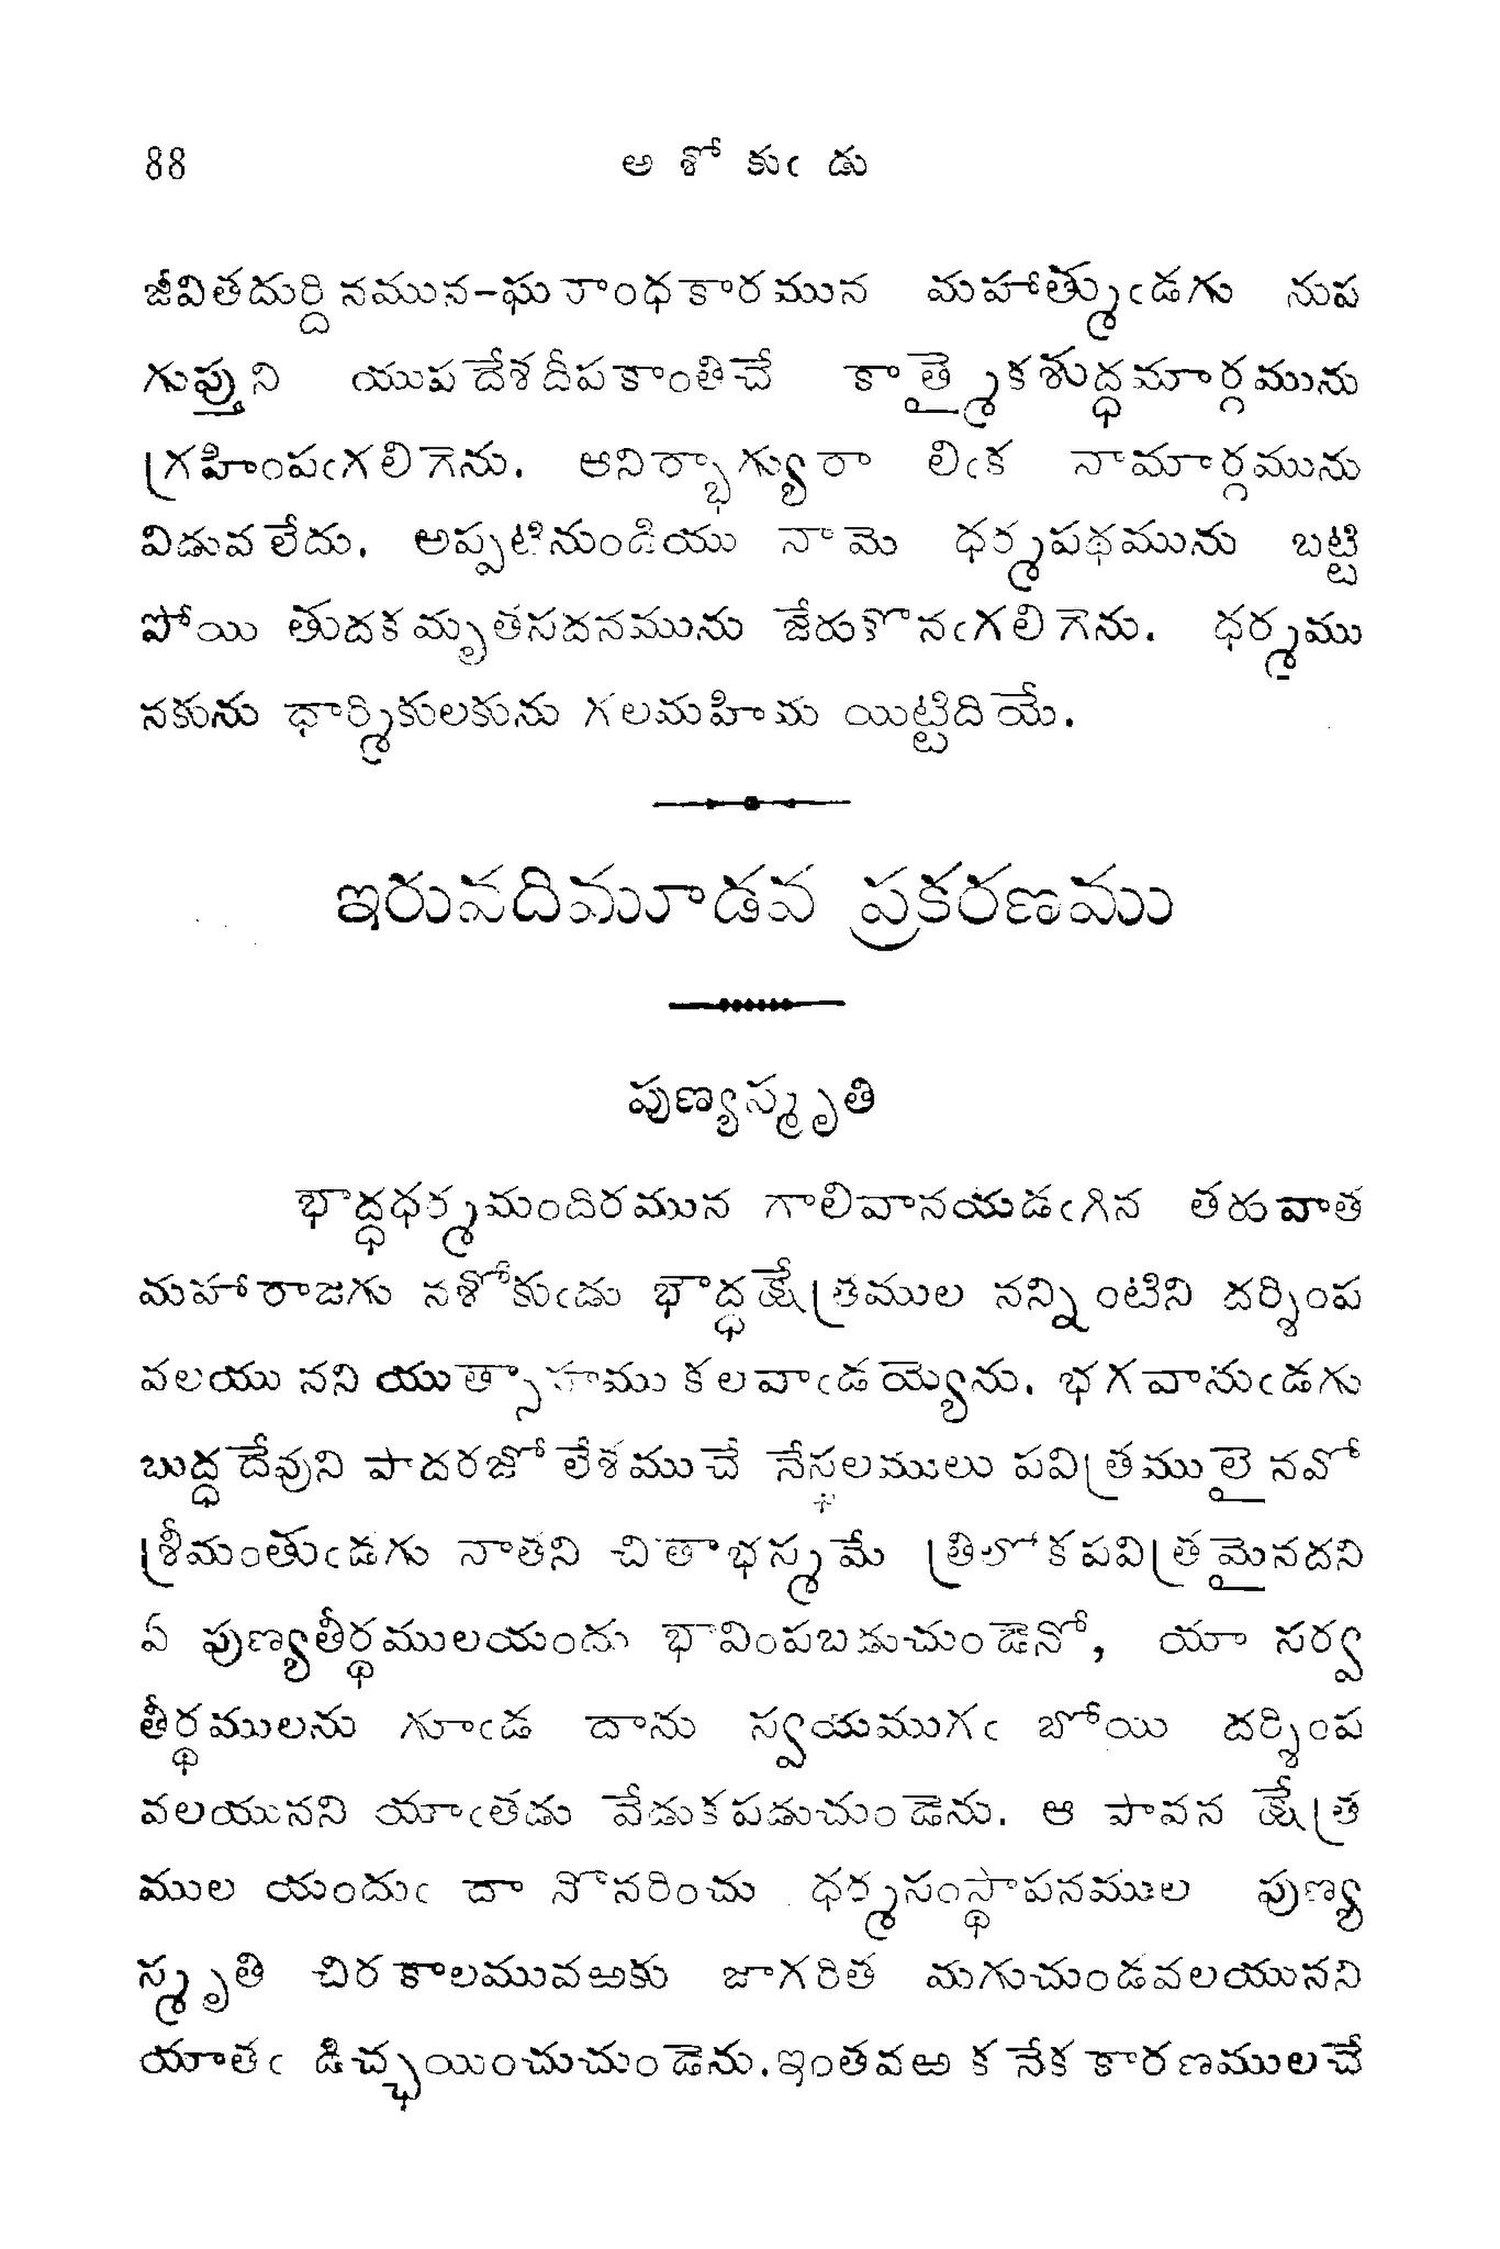జీవితదుర్ధినమున-ఘ నాంధ కారమున మహాత్ముఁడగు నుప
గుప్తుని యుపదేశదీపకాంతిచే కాత్మైకశుద్ధ మార్గమును
గ్రహింపఁగలిగెను. ఆనిర్భాగ్యురా లిఁక నామార్గమును
విడువ లేదు. అప్పటి నుండియు నామె ధర్మపథమును బట్టి
పోయి తుదకమృతసదనమును జేరుకొనఁగలిగెను. ధర్మము
నకును ధార్మికులకును గలమహీమ యిట్టిదియే.

భౌద్ధధర్మమందిరమున గాలివానయడఁగిన తరువాత మహారాజగు నశోకుఁడు భౌద్ధ క్షేత్రముల నన్నింటిని దర్శింపవలయు నని యుత్సాహము కలవాఁడయ్యెను. భగవానుఁడగు బుద్ధదేవుని పాదరజోలేశముచే నేస్థలములు పవిత్రములైనవో శ్రీమంతుఁడగు నాతని చితాభస్మమే త్రిలోక పవిత్రమైనదని ఏ పుణ్యతీర్థములయందు భావింపబడుచుండెనో, యా సర్వ తీర్థములను గూఁడ దాను స్వయముగఁ బోయి దర్శింపవలయునని యాఁతడు వేడుక పడుచుండెను. ఆ పావన క్షేత్రముల యందుఁ దా నొనరించు " ధర్మసంస్థాపనముల పుణ్య స్మృతి చిర కాలమువఱకు జాగరిత మగుచుండవలయునని యాతఁ డిచ్ఛయించుచుండెను. ఇంతవఱక నేక కారణములచే